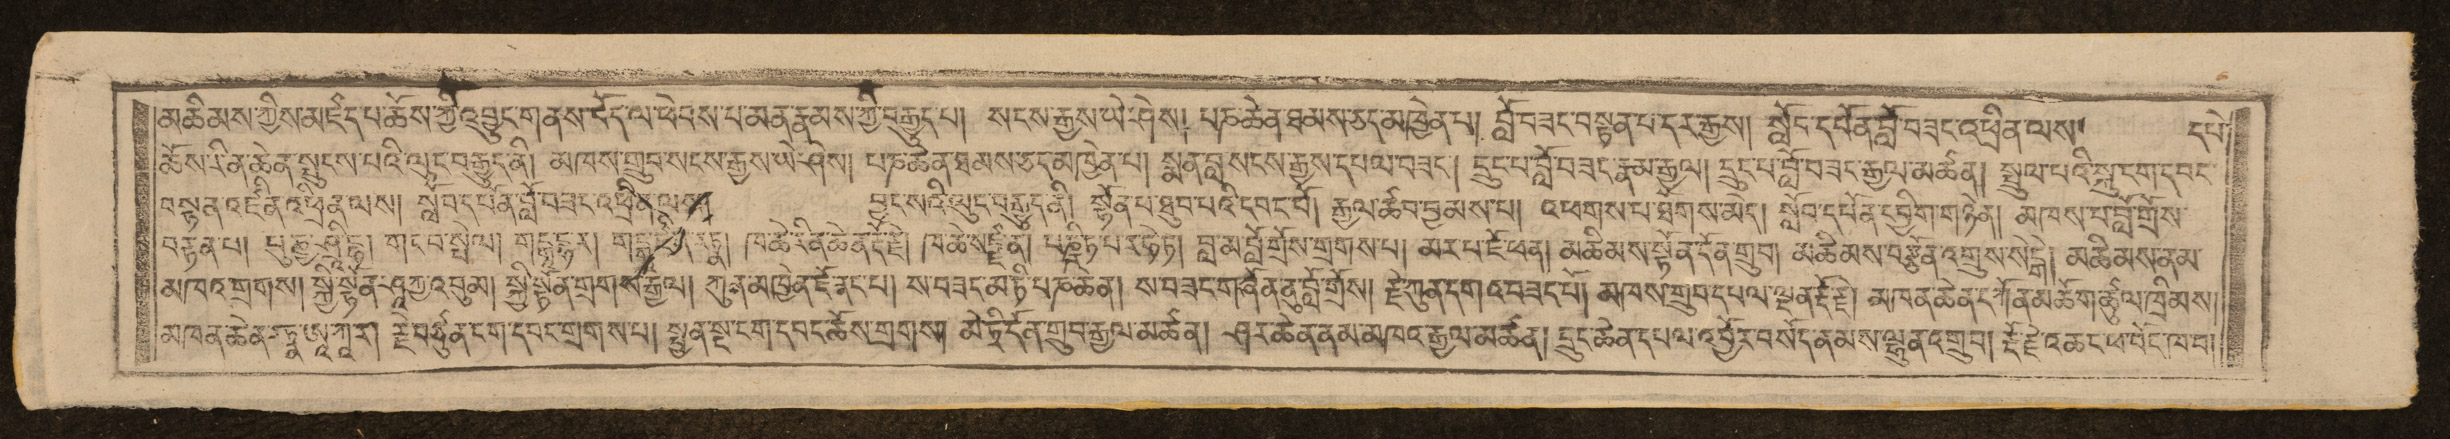མཆིམས་ཀྱིས་མཛད་པ་ཆོས་ཀྱི་འབྱུང་གནས་བོད་ལ་ཕེབས་པ་མན་རྣམས་ཀྱི་བརྒྱུད་པ། སངས་རྒྱས་ཡེ་ཤེས། པཎ་ཆེན་ཐམས་ཅད་མཁྱེན་པ། བློ་བཟང་བསྟན་པ་དར་རྒྱས། སློབ་དཔོན་བློ་བཟང་འཕྲིན་ལས། དཔེ་
ཆོས་རིན་ཆེན་སྤུངས་པའི་ལུང་བརྒྱུད་ནི། མཁས་གྲུབ་སངས་རྒྱས་ཡེ་ཤེས། པཎ་ཆེན་ཐམས་ཅད་མཁྱེན་པ། སྨན་བླ་སངས་རྒྱས་དཔལ་བཟང་། དྲུང་པ་བློ་བཟང་རྣམ་རྒྱལ། དྲུང་པ་བློ་བཟང་རྒྱལ་མཚན། སྤྲུལ་པའི་སྐུ་ངག་དབང་
བསྟན་འཛིན་འཕྲིན་ལས། སློབ་དཔོན་བློ་བཟང་འཕྲིན་ལས། བྱང་སའི་ལུང་བརྒྱུད་ནི། སྟོན་པ་ཐུབ་པའི་དབང་པོ། རྒྱལ་ཚབ་བྱམས་པ། འཕགས་པ་ཐོགས་མེད། སློབ་དཔོན་དབྱིག་གཉེན། མཁས་པ་བློ་གྲོས་
བརྟན་པ། པུ་ནྱ་ཤྲཱི་དྷ། གང་བ་སྤེལ། གདྷཱ་དྷ་ར། གྷྒཱ་ཛི་ན་རྟན། ཁ་ཆེ་རིན་ཆེན་རྡོ་རྗེ། ཁ་ཆེས་ཛྫ་ན། པཎྜི་ཏ་པར་ཧེ་ཏ། བླ་མ་བློ་གྲོས་གྲགས་པ། མར་པ་ཇོ་ཕན། མཆིམས་སྟོན་དོན་གྲུབ། མཆིམས་བརྩོན་འགྲུས་སེངྒེ། མཆིམས་ནམ་
མཁའ་གྲགས། སྐྱི་སྟོན་ཤཱཀྱ་འབུམ། སྐྱི་སྟོན་གྲགས་རྒྱལ། ཀུན་མཁྱེན་ཇོ་ནང་པ། ས་བཟང་མ་ཏི་པཎ་ཆེན། ས་བཟང་གཞོན་ནུ་བློ་གྲོས། རྗེ་ཀུན་དགའ་བཟང་པོ། མཁས་གྲུབ་དཔལ་ལྡན་རྡོ་རྗེ། མཁན་ཆེན་དཀོན་མཆོག་ཚུལ་ཁྲིམས་
མཁན་ཆེན་རྟན་ཨཱ་ཀཱ་ར། རྗེ་བཙུན་ངག་དབང་གྲགས་པ། སྤྱན་སྔ་ངག་དབང་ཆོས་གྲགས། མེ་ཏྲི་ངོན་གྲུབ་རྒྱལ་མཚན། ཤར་ཆེན་ནམ་མཁའ་རྒྱལ་མཚན། དྲུང་ཆེན་དཔལ་འབྱོར་བསོད་ནམས་ལྷུན་འགྲུབ། རྡོ་རྗེ་འཆང་ཕ་བོང་ཁ་བ་